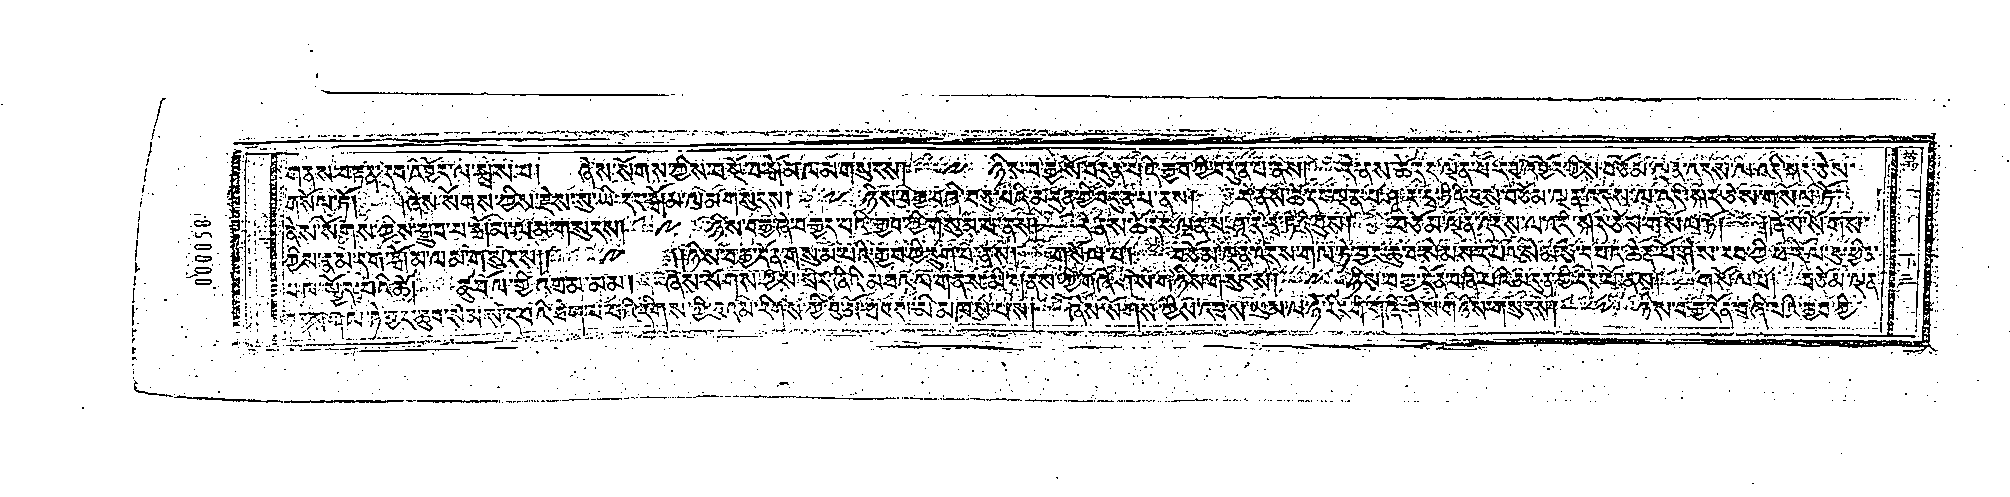གནས་བརྟན་རབ་འབྱོར་ལ་སྨྲས་པ། ཞེས་སོགས་ཀྱིས་བསྔོ་བ་སྒོམ་ལམ་གསུངས། ༧་ཉིས་བརྒྱ་སོ་བདུན་པའི་རྒྱབ་ཀྱི་བདུན་པ་ནས། དེ་ནས་ཚེ་དང་ལྡན་པ་རབ་འབྱོར་གྱིས་བཅོམ་ལྡན་འདས་ལ་འདི་སྐད་ཅེས་
གསོལ་ཏོ། །ཞེས་སོགས་ཀྱིས་རྗེས་སུ་ཡི་རང་སྒོམ་ལམ་གསུངས། ༧་ཉིས་བརྒྱ་བཞི་བཅུ་པའི་མདུན་གྱི་བདུན་པ་ནས། དེ་ནས་ཚེ་དང་ལྡན་བ་ཤཱ་ར་དྭ་ཏིའི་བུས་བཅོམ་ལྡན་འདས་ལ་འདི་སྐད་ཅེས་གསོལ་ཏོ།
ནེས་སོགས་ཀྱིས་སྒྲུབ་པ་སྒོམ་ལམ་གསུངས། ༧་ཉིས་བརྒྱ་ཞེ་བརྒྱད་པའི་རྒྱབ་ཀྱི་གསུམ་པ་ནས། དེ་ནས་ཚེ་དང་ལྡན་པ་ཤཱ་ར་དྭ་ཏེའི་བུས། བཅོམ་ལྡན་འདས་ལ་འདི་སྐད་ཅེས་གསོལ་ཏོ། །ཞེས་སོགས་
ཀྱིས་རྣམ་དག་སྒོམ་ལམ་གསུངས།། ༧་།།ཉིས་བརྒྱ་དོན་གསུམ་པའི་རྒྱབ་ཀྱི་དྲུག་པ་ནས། གསོལ་བ། བཅོམ་ལྡན་འདས་གལ་ཏེ་བྱང་ཆུབ་སེམས་དཔའ་སེམས་དཔའ་ཆེན་པོ་ཤེས་རབ་ཀྱི་ཕ་རོལ་ཏུ་ཕྱིན་
པ་ལ་སྤྱོད་པའི་ཚེ། ཚུ་བོ་ལ་གྱི་འགྲམ་མམ། ཞེས་སོགས་ཀྱིས་སྲིད་ཞིའི་མཐའ་ལ་གནས་མི་གནས་ཀྱི་གཞི་ཤེས་གཉིས་གསུངས། ༧་ཉིས་བརྒྱ་དོན་བཞི་པའི་མདུན་གྱི་དང་པོ་ནས། གསོལ་པ། བཅོམ་ལྡན་
འདས་གལ་ཏེ་བྱང་ཆུབ་སེམས་དཔའི་ཐེག་པ་པའི་རིགས་ཀྱི་བུའམ་རིགས་ཀྱི་བུ་མོ་ཐབས་མི་མཁས་པས། ཞེས་སོགས་ཀྱིས་འབྲས་ཡུམ་ལ་ཉེ་རིང་གི་གཞི་ཤེས་གཉིས་གསུངས། ༧་ཉིས་བརྒྱ་དོན་བཞི་པའི་རྒྱབ་ཀྱི་